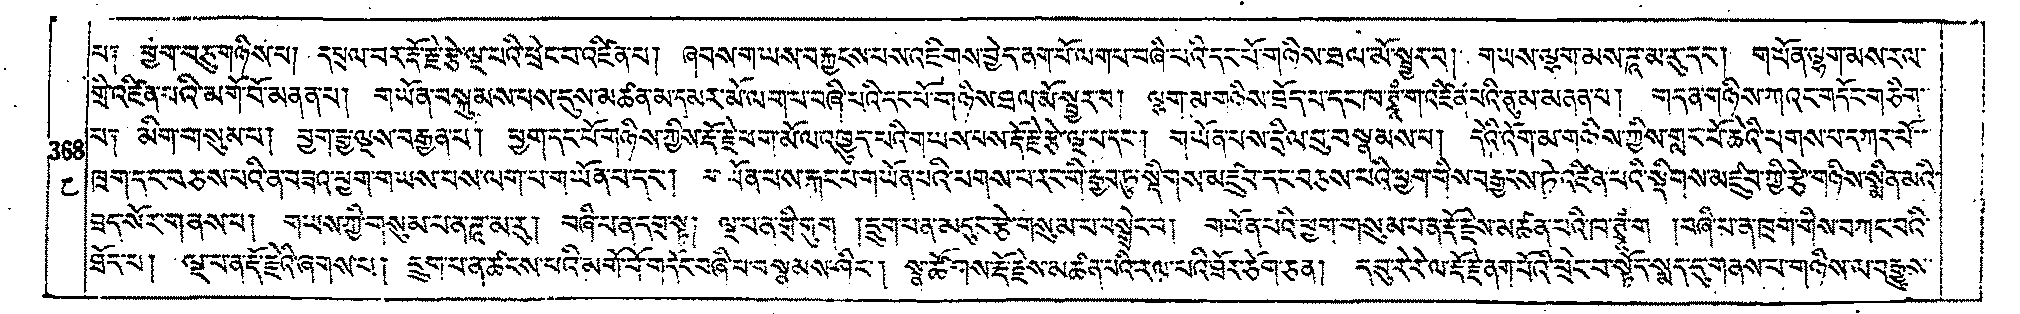པ༑ ཕྱག་བཅུ་གཉིས་པ། དཔྲལ་བར་རྡོ་རྗེ་རྩེ་ལྔ་པའི་ཕྲེང་བ་འཛིན་པ། ཞབས་གཡས་བརྐྱངས་པས་འཇིགས་བྱེད་ནག་པོ་ལག་པ་བཞི་པའི་དང་པོ་གཉིས་ཐལ་མོ་སྦྱར་བ། གཡས་ལྷག་མས་ཌཱ་མ་རུ་དང་། གཡོན་ལྷག་མས་རལ་
གྲི་འཛིན་པའི་མགོ་བོ་མནན་པ། གཡོན་བསྐུམས་པས་དུས་མཚན་མ་དམར་མོ་ལག་པ་བཞི་པའི་དང་པོ་གཉིས་ཐལ་མོ་སྦྱར་བ། ལྷག་མ་གཉིས་ཐོད་པ་དང་ཁ་ཊྲཱཾ་ག་འཛིན་པའི་ནུ་མ་མནན་པ། གདན་གཉིས་ཀའང་གདོང་གཅིག་
པ༑ མིག་གསུམ་པ། ཕྱག་རྒྱ་ལྔས་བརྒྱན་པ། ཕྱག་དང་པོ་གཉིས་ཀྱིས་རྡོ་རྗེ་ཕག་མོ་ལ་འཁྱུད་པའི་གཡས་པས་རྡོ་རྗེ་རྩེ་ལྔ་པ་དང་། གཡོན་པས་དྲིལ་བུ་བསྣམས་པ། དེའི་འོག་མ་གཉིས་ཀྱིས་གླང་པོ་ཆེའི་པགས་པ་དཀར་པོ་་་
ཁྲག་དང་བཅས་པའི་ན་བཟའ་ཕྱག་གཡས་པས་ལག་པ་གཡོན་པ་དང་། གཡོན་པས་རྐང་པ་གཡོན་པའི་པགས་པ་རང་གི་རྒྱབ་ཏུ་སྡིགས་མཛུབ་དང་བཅས་པའི་ཕྱག་གིས་བརྒྱངས་ཏེ་འཛིན་པའི་སྡིགས་མཛུབ་ཀྱི་རྩེ་གཉིས་སྨིན་མའི་
ཐད་སོར་གནས་པ། གཡས་ཀྱི་གསུམ་པ་ན་ཌཱ་མ་རུ། བཞི་པ་ན་དགྲ་སྟ། ལྔ་པ་ན་གྲི་གུག །དྲུག་པ་ན་མདུང་རྩེ་གསུམ་པ་བསྒྲེང་བ། གཡོན་པའི་ཕྱག་གསུམ་པ་ན་རྡོ་རྗེས་མཚན་པའི་ཁ་ཊྲཱཾ་ག །བཞི་པ་ན་ཁྲག་གིས་བཀང་བའི་
ཐོད་པ། ལྔ་པ་ན་རྡོ་རྗེའི་ཞགས་པ། དྲུག་པ་ན་ཚངས་པའི་མགོ་བོ་གདོང་བཞི་པ་བསྣམས་ཤིང་། སྣ་ཚོགས་རྡོ་རྗེས་མཚན་པའི་རལ་པའི་ཐོར་ཅོག་ཅན། དབུ་རེ་རེ་ལ་རྡོ་རྗེ་ནག་པོའི་ཕྲེང་བ་སྟོད་སྨད་དུ་གནས་པ་གཉིས་ལ་བརྒྱུས་་་